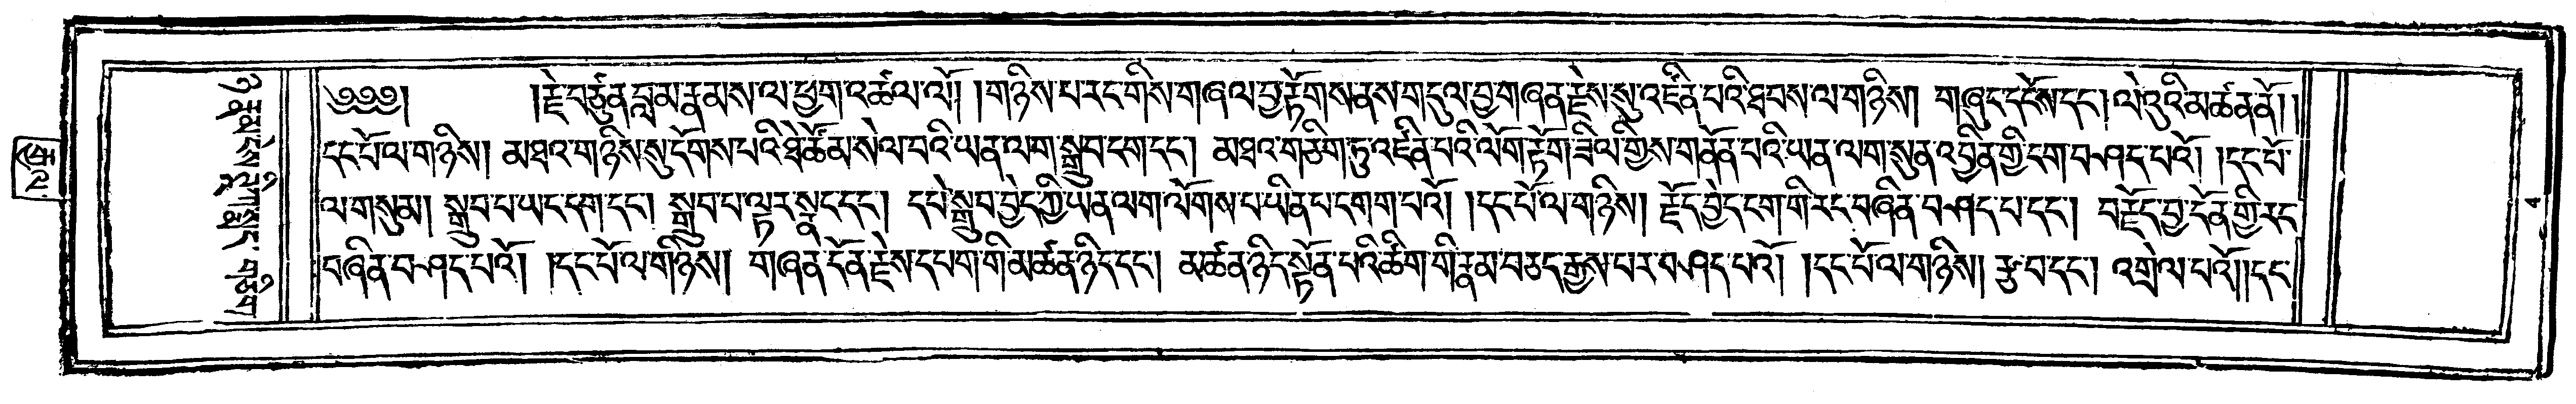༄༅༅། །རྗེ་བཙུན་བླ་མ་རྣམས་ལ་ཕྱག་འཚལ་ལོ། །གཉིས་པ་རང་གིས་གཞལ་བྱ་རྟོགས་ནས་གདུལ་བྱ་གཞན་རྗེས་སུ་འཛིན་པའི་ཐབས་ལ་གཉིས། གཞུང་དངོས་དང་། ལེའུའི་མཚན་ནོ།།
དང་པོ་ལ་གཉིས། མཐའ་གཉིས་སུ་དོགས་པའི་ཐེ་ཚོམ་སེལ་བའི་ཡན་ལག་སྒྲུབ་ངག་དང་། མཐའ་གཅིག་ཏུ་འཛིན་པའི་ལོག་རྟོག་ཟིལ་གྱིས་གནོན་པའི་ཡན་ལག་སུན་འབྱིན་གྱི་ངག་བཤད་པའོ། །དང་པོ་
ལ་གསུམ། སྒྲུབ་པ་ཡང་དག་དང་། སྒྲུབ་པ་ལྟར་སྣང་དང་། དཔེ་སྒྲུབ་བྱེད་ཀྱི་ཡན་ལག་ལོགས་པ་ཡིན་པ་དགག་པའོ། །དང་པོ་ལ་གཉིས། རྗོད་བྱེད་ངག་གི་རང་བཞིན་བཤད་པ་དང་། བརྗོད་བྱ་དོན་གྱི་རང་
བཞིན་བཤད་པའོ། །དང་པོ་ལ་གཉིས། གཞན་དོན་རྗེས་དཔག་གི་མཚན་ཉིད་དང་། མཚན་ཉིད་སྟོན་པའི་ཚིག་གི་རྣམ་བཅད་རྒྱས་པར་བཤད་པའོ། །དང་པོ་ལ་གཉིས། རྩ་བ་དང་། འགྲེལ་པའོ། །དང་